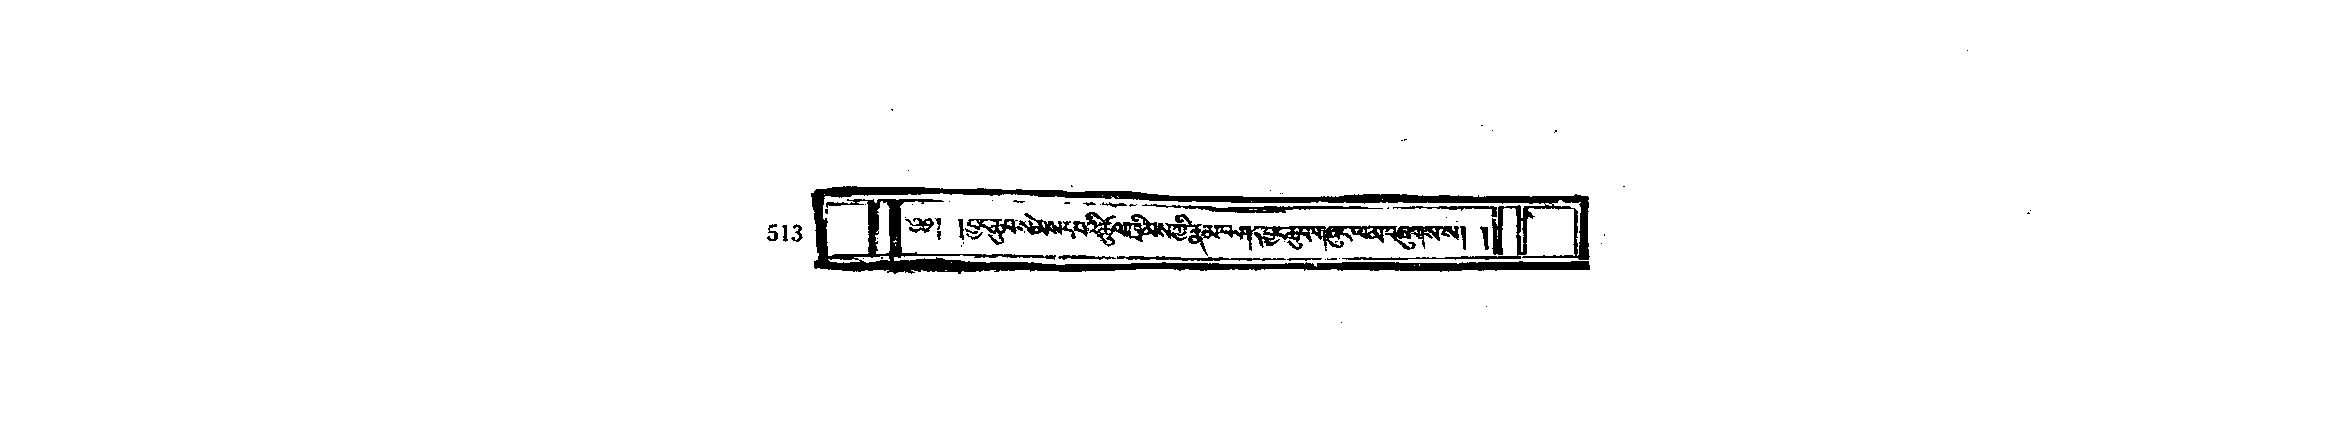༄༅། །བྱང་ཆུབ་སེམས་དཔའི་ཚུལ་ཁྲིམས་ཀྱི་རྣམ་བཤད་བྱང་ཆུབ་གཞུང་ལམ་བཞུགས་སོ། །